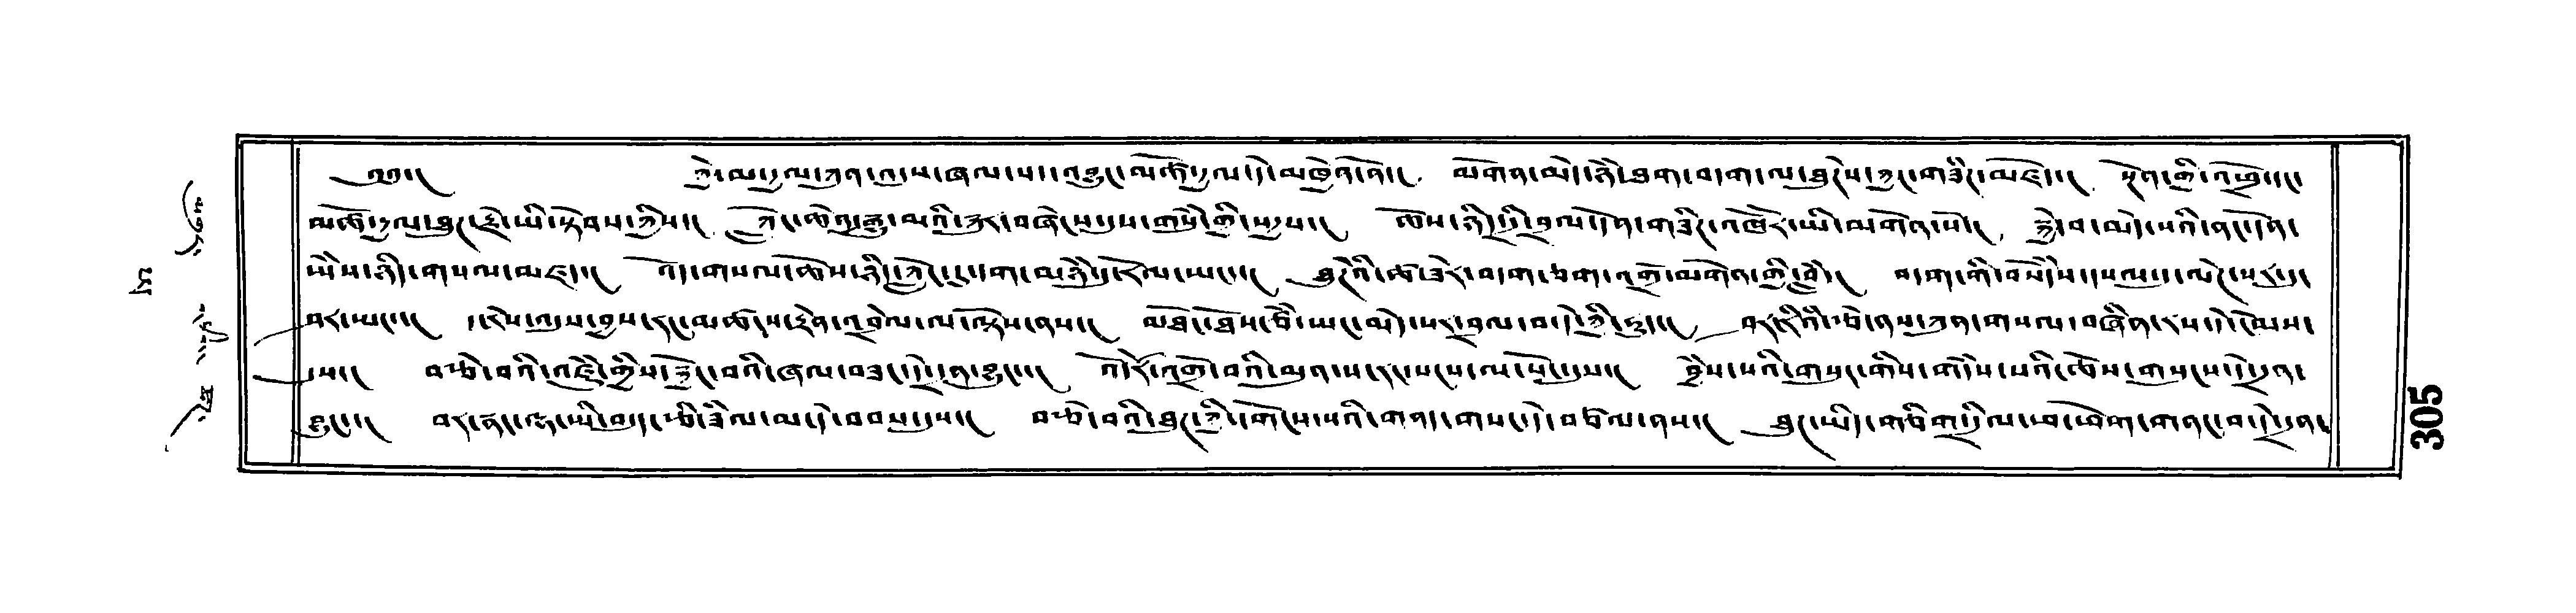ཀྱཻ་མ། རྒྱལ་ཀུན་འདུས་ཞལ་པད་འབྱུང་མཚོ་རྒྱལ་དེ་མཁྱེན་ནོ། །མགོན་མེད་ཉམ་བདག་ལ་ཐུགས་རྗེས་ཀྱང་གཟིགས་མཛོད། སྔོན་གྱི་འཕྲོ་དང་
མཚོ་རྒྱལ་ཐུགས་རྗེ་ཡི་སྟོབས་ཀྱིས། ཀློང་ཆེན་སྒྱུ་མའི་སྐུར་བཞེངས་དུས་གསུམ་གྱི་སངས་རྒྱས། ཆོས་ཉིད་དྲི་བྲལ་དོན་གཟིགས་འཁོར་ལོར་ཡི་མགོན་པོ། སྐྱེ་བ་མེད་པའི་ནང་དོན་
ཡེ་ཤེས་ཉིད་གསལ་མཛད། འོད་གསལ་ཆོས་ཉིད་ཀློང་དུ་དག་མཉམ་དུ་རོལ་ཡང་། ཐུགས་རྗེའི་ཚ་ཟེར་བདག་ཅག་འགྲོ་མགོན་གྱི་བླ་མ། བདག་གི་བསོད་ནམས་དཔལ་དུ་ལེགས་པར་དུ་
ཤར་ཡང་། ད་རེས་འདུས་བྱས་རང་མཚངས་རྟེན་འབྲེལ་ལ་ལྟོས་ནས། མཐོང་ཐོས་ཙམ་ཡང་མེད་པར་བྲལ་བ་དེ་ཀྱི་ཧུད། ཤར་རིའི་རྩེ་ནས་ཀུན་གསལ་བཞིན་རས་དེ་ངོམས་
དུས། བརྩེ་བའི་འཛུམ་གྱིས་སྐྱོང་བའི་ཞལ་བཟང་དེ་དྲན་བྱུང་། འོད་ཟེར་འགྲོ་བའི་མུན་པ་རང་སངས་ལ་སོང་དུས། བྱམས་པའི་གསུང་གིས་གདམས་པའི་ཆོས་གསུངས་དེ་དྲན་
བྱུང་། བར་སྣང་ལྷ་ཡི་བདུད་རྩི་ཟིལ་མ་དེ་བབས་དུས། བརྩེ་བའི་ཐུགས་ཀྱི་དགོངས་པའི་གནད་གསང་དེ་བཙལ་ནས། ཐུགས་ཡིད་གཅིག་དྲིལ་ཕ་ཕོག་གནང་བ་དེ་དྲན་